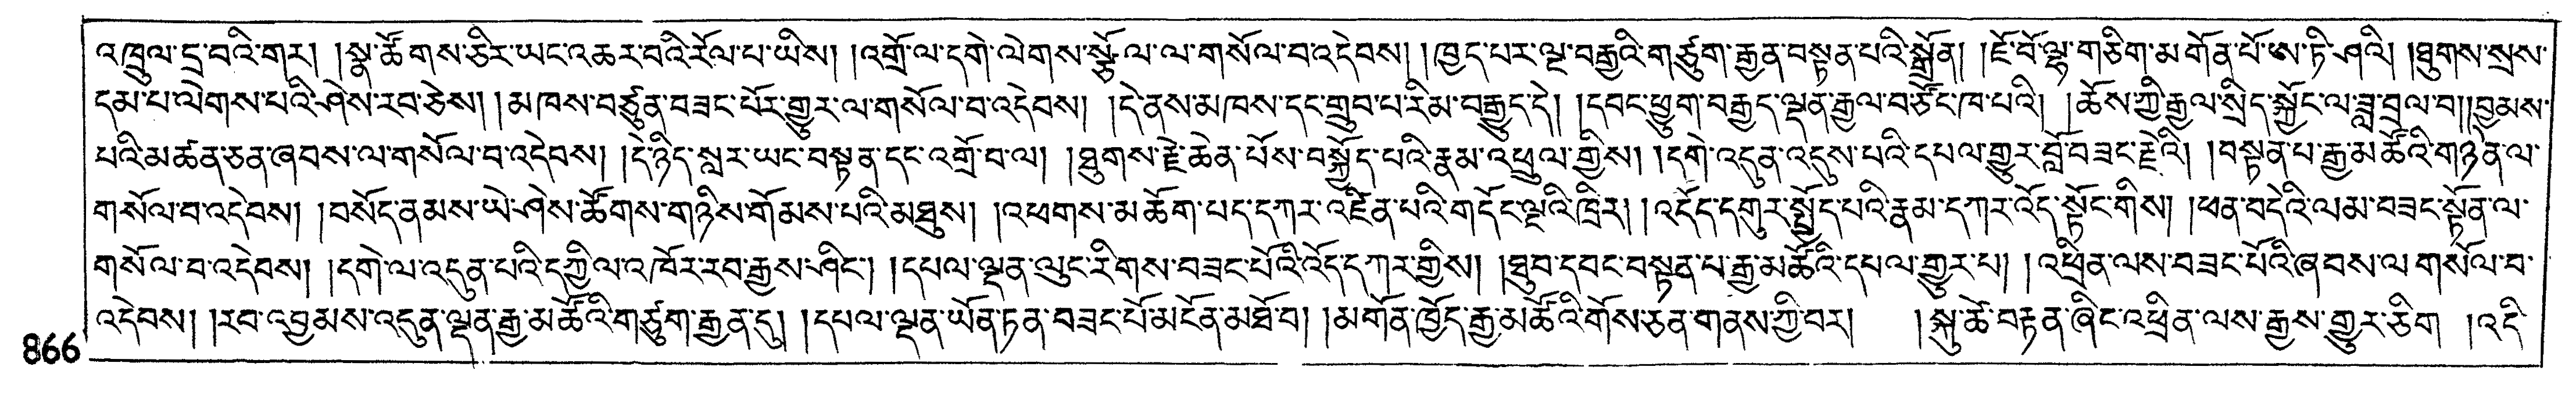འཁྲུལ་དྲ་བའི་གར། །སྣ་ཚོགས་ཅིར་ཡང་འཆར་བའི་རོལ་པ་ཡིས། །འགྲོ་ལ་དགེ་ལེགས་སྩོལ་ལ་གསོལ་བ་འདེབས། །ཁྱད་པར་ལྔ་བརྒྱའི་གཙུག་རྒྱན་བསྟན་པའི་སྒྲོན། །ཇོ་བོ་ལྷ་གཅིག་མགོན་པོ་ཨ་ཏི་ཤའི། །ཐུགས་སྲས་
དམ་པ་ལེགས་པའི་ཤེས་རབ་ཅེས། །མཁས་བཙུན་བཟང་པོར་གྱུར་ལ་གསོལ་བ་འདེབས། །དེ་ནས་མཁས་དང་གྲུབ་པ་རིམ་བརྒྱུད་དེ། །དབང་ཕྱུག་བརྒྱད་ལྡན་རྒྱལ་བ་ཙོང་ཁ་པའི། །ཆོས་ཀྱི་རྒྱལ་སྲིད་སྐྱོང་ལ་ཟླ་བྲལ་བ། །བྱམས་
པའི་མཚན་ཅན་ཞབས་ལ་གསོལ་བ་འདེབས། །དེ་ཉིད་སླར་ཡང་བསྟན་དང་འགྲོ་བ་ལ། །ཐུགས་རྗེ་ཆེན་པོས་བསྐྱོད་པའི་རྣམ་འཕྲུལ་གྱིས། །དགེ་འདུན་འདུས་པའི་དཔལ་གྱུར་བློ་བཟང་རྗེའི། །བསྟན་པ་རྒྱ་མཚོའི་གཉེན་ལ་
གསོལ་བ་འདེབས། །བསོད་ནམས་ཡེ་ཤེས་ཚོགས་གཉིས་གོམས་པའི་མཐུས། །འཕགས་མཆོག་པད་དཀར་འཛིན་པའི་གདོང་ལྔའི་ཁྲིར། །འདོད་དགུར་སྤྱོད་པའི་རྣམ་དཀར་འོད་སྟོང་གིས། །ཕན་བདེའི་ལམ་བཟང་སྟོན་ལ་
གསོལ་བ་འདེབས། །དགེ་ལ་འདུན་པའི་དཀྱིལ་འཁོར་རབ་རྒྱས་ཤིང་། །དཔལ་ལྡན་ལུང་རིགས་བཟང་པོའི་འོད་དཀར་གྱིས། །ཐུབ་དབང་བསྟན་པ་རྒྱ་མཚོའི་དཔལ་གྱུར་པ། །འཕྲིན་ལས་བཟང་པོའི་ཞབས་ལ་གསོལ་བ་
འདེབས། །རབ་འབྱམས་འདུན་ལྡན་རྒྱ་མཚོའི་གཙུག་རྒྱན་དུ། །དཔལ་ལྡན་ཡོན་ཏན་བཟང་པོ་མངོན་མཐོ་བ། །མགོན་ཁྱོད་རྒྱ་མཚོའི་གོས་ཅན་གནས་ཀྱི་བར། །སྐུ་ཚེ་བརྟན་ཞིང་འཕྲིན་ལས་རྒྱས་གྱུར་ཅིག །འདི་